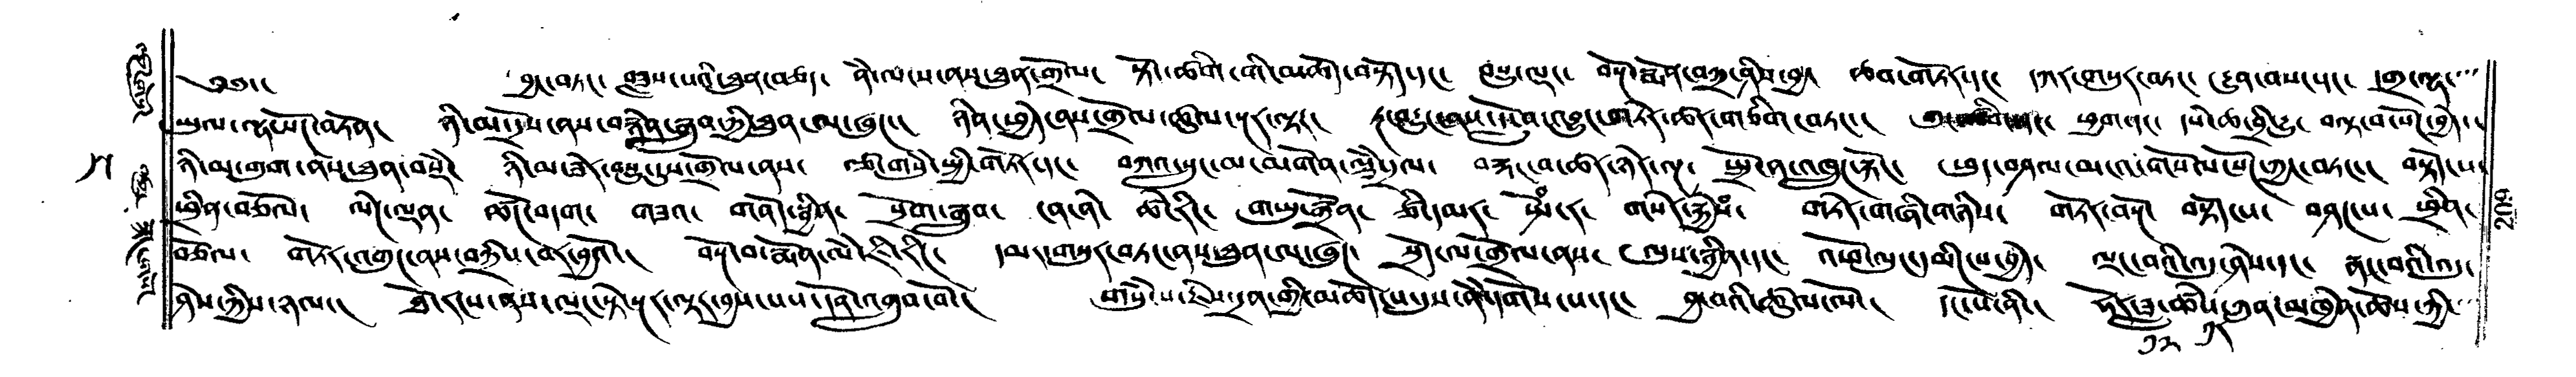བྱང་གཏང་། བཟླས་པའི་ཐུན་བཅད། ནམ་ལངས་ནས་ཐུན་གྲོལ། སྟོང་ཚིག་གི་མཆོད་བསྟོད་དང་། བསྡུ་ལྡང་། བསྔོ་སྨོན་བཀྲ་ཤིས་བྱ། ཆབ་གཏོར་དང་། དཀར་གསུར་གཏང་། རྒྱུན་བསང་དང་། དགྲ་ལྷ་
ཡུལ་ལྷ་སོགས་འདོན། ཉི་མ་དྲོས་ནས་སྙེན་སྒྲུབ་ཀྱི་ཐུན་ལ་ཞུགས། ཉིན་ཕྱེད་ནས་གྲོལ་ཚུལ་སྔར་ལྟར། རྔ་བརྡུངས་ནས་དངོས་གྲུབ་འབྱུང་གཏེར་ཚར་གཅིག་གཏང་།གུང་ཚིགས་དང་། ཕྱག་དང་དཔེ་ཆ་བྲི་བལྟ་སོགས་བྱེད། 
ཉི་མ་གུག་ནས་ཐུན་བསྡམ། ཉི་མ་ཟེར་བསྡུ་དུས་གྲོལ་ནས། རྩ་གསུམ་སྤྱི་གཏོར་དང་། བཀའ་སྲུང་མ་མགོན་ལྕམ་དྲལ། བསྐང་བ་ཚར་ཉེར་ལྔ། སྤྲོ་ན་འཁྲུགས་སྐོང་། ཕུད་བཤལ། མངའ་གསོལ་སོགས་ཀྱང་གཏང་། བསྟོད་པ། 
ཕྲིན་བཅོལ། ལེགས་ལྡན། ཚོགས་བདག། གཟའ། གནོད་སྦྱིན། སྲོག་སྒྲུབ། ངན་ནེ། ཚེ་རིང་། གཡུ་སྒྲོན། ཙི་དམར། སྤོམ་ར། གསེར་སྐྱེམས། གཏེར་གཞི་གཉིས། གཏོར་བསྔོ། བསྟོད་པ། བཤགས་པ། ཕྲིན་
བཅོལ། གཏོར་འགུགས་ནས་བཀྲ་ཤིས་བར་བྱ། བསྔོ་བ་སྨོན་ལམ་ཇི་རིགས། དམར་གསུར་བཏང་ནས་ཐུན་ལ་ཞུགས། སྲོད་ལ་གྲོལ་ནས། ལུས་སྦྱིན་དང་། འཕོ་ལུང་དམིགས་པ་བྱ། ལྡང་བའི་འདུ་ཤེས་དང་། སྣང་མཐའི་འདུ་
ཤེས་ཀྱི་ཉལ། ཐོ་རངས་མལ་ནས་ལྡང་སྟེ་སྔར་ལྟར་བྱས་པས་དོན་འགྲུབ་བོ། གསུམ་པ་རྗེས་དྲན་གྱི་མཆོད་པ་དུས་ནམ་དགོས་པ་དང་། བྱ་བའི་ཚུལ་ལོ། དང་པོ་ནི། ཧོར་ཟླ་བཅུ་གཉིས་ཆེས་བཅོ་བརྒྱད་ཀུན་མཁྱེན་ཆོས་ཀྱི་